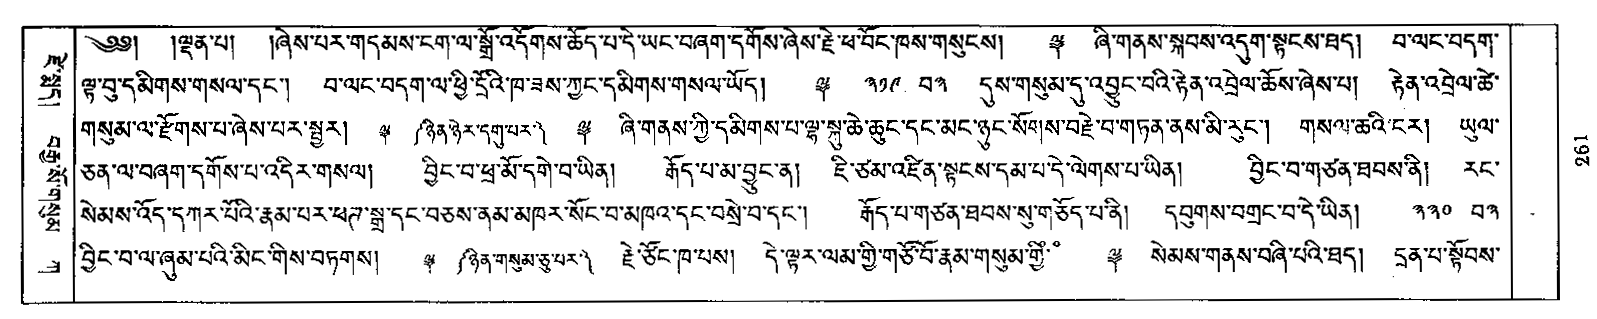༄༅། །ལྡན་པ། །ཞེས་པར་གདམས་ངག་ལ་སྒྲོ་འདོགས་ཆོད་པ་དེ་ཡང་བཞག་དགོས་ཞེས་རྗེ་ཕ་བོང་ཁས་གསུངས། ༈ ཞི་གནས་སྐབས་འདུག་སྟངས་ཐད། བ་ལང་བདག་
ལྟ་བུ་དམིགས་གསལ་དང་། བ་ལང་བདག་ལ་ཕྱི་དྲོའི་ཁ་ཟས་ཀྱང་དམིགས་གསལ་ཡོད། ༈ ༣༡༩་བ ༣་དུས་གསུམ་དུ་འབྱུང་བའི་རྟེན་འབྲེལ་ཆོས་ཞེས་པ། རྟེན་འབྲེལ་ཚེ་
གསུམ་ལ་རྫོགས་པ་ཞེས་པར་སྦྱར། ༈ ཉིན་ཉེར་དགུ་པར྄་༈ ཞི་གནས་ཀྱི་དམིགས་པ་ལྷ་སྐུ་ཆེ་ཆུང་དང་མང་ཉུང་སོགས་བརྗེ་བ་གཏན་ནས་མི་རུང་། གསལ་ཆའི་ངར། ཡུལ་
ཅན་ལ་བཞག་དགོས་པ་འདིར་གསལ། བྱིང་བ་ཕྲ་མོ་དགེ་བ་ཡིན། རྒོད་པ་མ་བྱུང་ན། ཇི་ཙམ་འཛིན་སྟངས་དམ་པ་དེ་ལེགས་པ་ཡིན། བྱིང་བ་གཙན་ཐབས་ནི། རང་
སེམས་འོད་དཀར་པོའི་རྣམ་པར་ཕཊ་སྒྲ་དང་བཅས་ནམ་མཁར་སོང་བ་མཁའ་དང་བསྲེ་བ་དང་། རྒོད་པ་གཙན་ཐབས་སུ་གཅོད་པ་ནི། དབུགས་བགྲང་བ་དེ་ཡིན། ༣༣༠་བ ༣
བྱིང་བ་ལ་ཞུམ་པའི་མིང་གིས་བཏགས། ༈ ཉིན་གསུམ་ཅུ་པར྄་རྗེ་ཙོང་ཁ་པས། དེ་ལྟར་ལམ་གྱི་གཙོ་བོ་རྣམ་གསུམ་གྱི་༈ སེམས་གནས་བཞི་པའི་ཐད། དྲན་པ་སྟོབས་